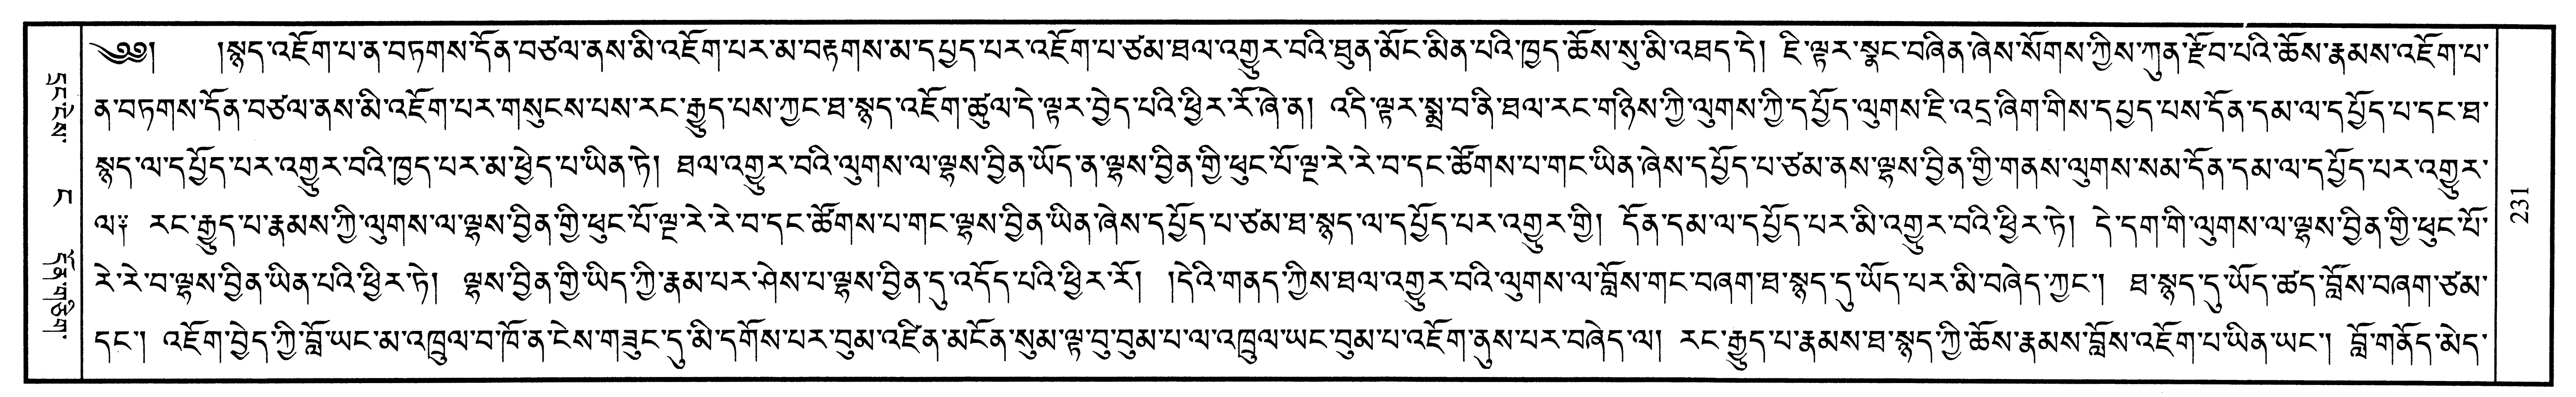༄༅། །སྙད་འཇོག་པ་ན་བཏགས་དོན་བཙལ་ནས་མི་འཇོག་པར་མ་བརྟགས་མ་དཔྱད་པར་འཇོག་པ་ཙམ་ཐལ་འགྱུར་བའི་ཐུན་མོང་མིན་པའི་ཁྱད་ཆོས་སུ་མི་འཐད་དེ། ཇི་ལྟར་སྣང་བཞིན་ཞེས་སོགས་ཀྱིས་ཀུན་རྫོབ་པའི་ཆོས་རྣམས་འཇོག་པ་
ན་བཏགས་དོན་བཙལ་ནས་མི་འཇོག་པར་གསུངས་པས་རང་རྒྱུད་པས་ཀྱང་ཐ་སྙད་འཇོག་ཚུལ་དེ་ལྟར་བྱེད་པའི་ཕྱིར་རོ་ཞེ་ན། འདི་ལྟར་སྨྲ་བ་ནི་ཐལ་རང་གཉིས་ཀྱི་ལུགས་ཀྱི་དཔྱོད་ལུགས་ཇི་འདྲ་ཞིག་གིས་དཔྱད་པས་དོན་དམ་ལ་དཔྱོད་པ་དང་ཐ་
སྙད་ལ་དཔྱོད་པར་འགྱུར་བའི་ཁྱད་པར་མ་ཕྱེད་པ་ཡིན་ཏེ། ཐལ་འགྱུར་བའི་ལུགས་ལ་ལྷས་བྱིན་ཡོད་ན་ལྷས་བྱིན་གྱི་ཕུང་པོ་ལྔ་རེ་རེ་བ་དང་ཚོགས་པ་གང་ཡིན་ཞེས་དཔྱོད་པ་ཙམ་ནས་ལྷས་བྱིན་གྱི་གནས་ལུགས་སམ་དོན་དམ་ལ་དཔྱོད་པར་འགྱུར་
ལ༑ རང་རྒྱུད་པ་རྣམས་ཀྱི་ལུགས་ལ་ལྷས་བྱིན་གྱི་ཕུང་པོ་ལྔ་རེ་རེ་བ་དང་ཚོགས་པ་གང་ལྷས་བྱིན་ཡིན་ཞེས་དཔྱོད་པ་ཙམ་ཐ་སྙད་ལ་དཔྱོད་པར་འགྱུར་གྱི། དོན་དམ་ལ་དཔྱོད་པར་མི་འགྱུར་བའི་ཕྱིར་ཏེ། དེ་དག་གི་ལུགས་ལ་ལྷས་བྱིན་གྱི་ཕུང་པོ་
རེ་རེ་བ་ལྷས་བྱིན་ཡིན་པའི་ཕྱིར་ཏེ། ལྷས་བྱིན་གྱི་ཡིད་ཀྱི་རྣམ་པར་ཤེས་པ་ལྷས་བྱིན་དུ་འདོད་པའི་ཕྱིར་རོ། །དེའི་གནད་ཀྱིས་ཐལ་འགྱུར་བའི་ལུགས་ལ་བློས་གང་བཞག་ཐ་སྙད་དུ་ཡོད་པར་མི་བཞེད་ཀྱང་། ཐ་སྙད་དུ་ཡོད་ཚད་བློས་བཞག་ཙམ་
དང་། འཇོག་བྱེད་ཀྱི་བློ་ཡང་མ་འཁྲུལ་བ་ཁོ་ན་ངེས་གཟུང་དུ་མི་དགོས་པར་བུམ་འཛིན་མངོན་སུམ་ལྟ་བུ་བུམ་པ་ལ་འཁྲུལ་ཡང་བུམ་པ་འཇོག་ནུས་པར་བཞེད་ལ། རང་རྒྱུད་པ་རྣམས་ཐ་སྙད་ཀྱི་ཆོས་རྣམས་བློས་འཇོག་པ་ཡིན་ཡང་། བློ་གནོད་མེད་